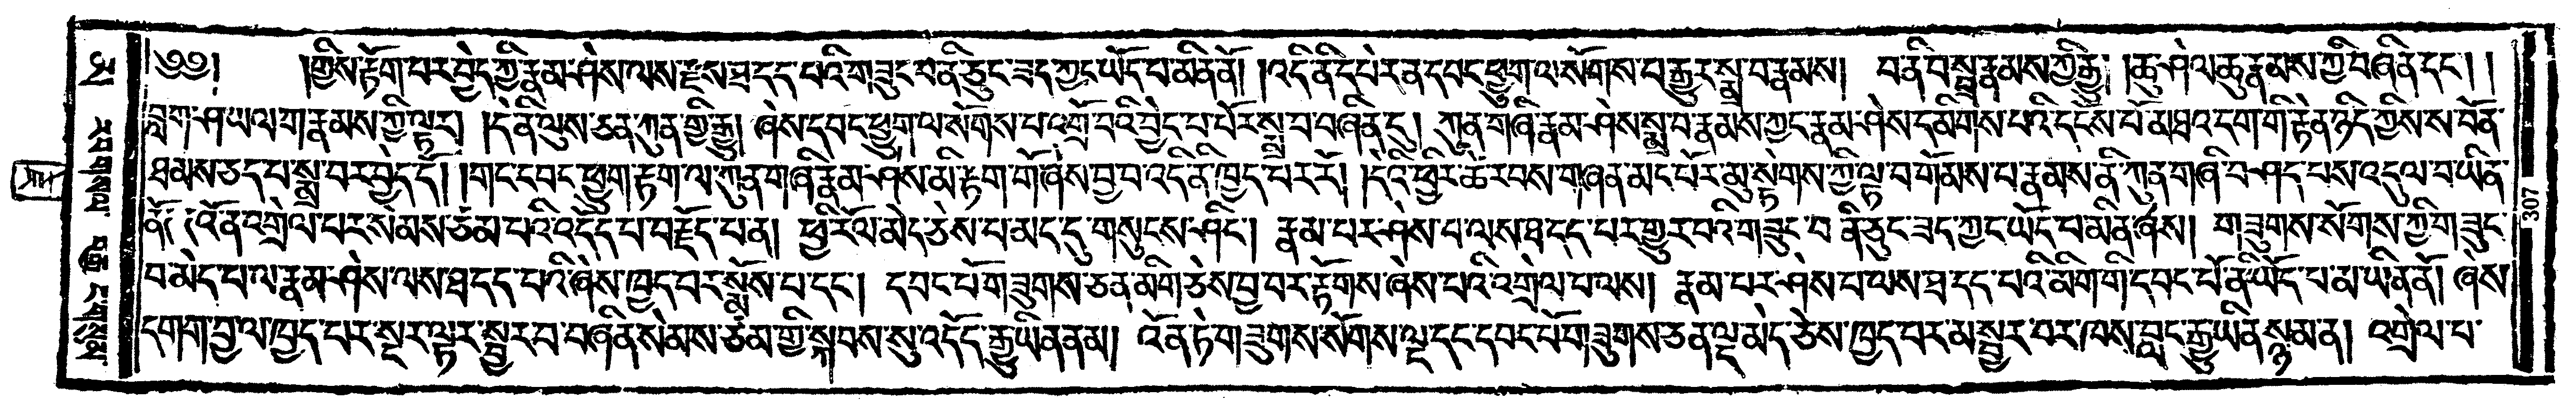༄༅། །གྱིས་རྟོག་པར་བྱེད་ཀྱི་རྣམ་ཤེས་ལས་རྫས་ཐ་དད་པའི་གཟུང་བ་ནི་ཅུང་ཟད་ཀྱང་ཡོད་པ་མིན་ནོ། །འདི་ནི་དཔེར་ན་དབང་ཕྱུག་ལ་སོགས་པ་རྒྱུར་སྨྲ་པ་རྣམས། བ་ནི་བ་སྒྲ་རྣམས་ཀྱི་རྒྱུ། །ཆུ་ཤེལ་ཆུ་རྣམས་ཀྱི་བཞིན་དང།།
བླག་ཤ་ཡལ་ག་རྣམས་ཀྱི་ལྟར། །དེ་ནི་ལུས་ཅན་ཀུན་གྱི་རྒྱུ། ཞེས་དབང་ཕྱུག་ལ་སོགས་པ་འགྲོ་བའི་བྱེད་པ་པོར་སྨྲ་བ་བཞིན་དུ། ཀུན་གཞི་རྣམ་ཤེས་སྨྲ་བ་རྣམས་ཀྱང་རྣམ་ཤེས་དམིགས་པའི་དངོས་པོ་མཐའ་དག་གི་རྟེན་ཉིད་ཀྱིས་ས་བོན་
ཐམས་ཅད་པ་སྨྲ་བར་བྱེད་དོ། །གང་དབང་ཕྱུག་རྟག་ལ་ཀུན་གཞི་རྣམ་ཤེས་མི་རྟག་གོ་ཞེས་བྱ་བ་འདི་ནི་ཁྱད་པར་རོ། །དེའི་ཕྱིར་ཚེ་རབས་གཞན་མང་པོར་མུ་སྟེགས་ཀྱི་ལྟ་བ་གོམས་པ་རྣམས་ནི་ཀུན་གཞི་བཤད་པས་འདུལ་བ་ཡིན་
ནོ༑ ༑འོ་ན་འགྲེལ་པར་སེམས་ཙམ་པའི་འདོད་པ་བརྗོད་པ་ན། ཕྱི་རོལ་མེད་ཅེས་པ་མང་དུ་གསུངས་ཤིང་། རྣམ་པར་ཤེས་པ་ལས་ཐ་དད་པར་གྱུར་པའི་གཟུང་བ་ནི་ཅུང་ཟད་ཀྱང་ཡོད་པ་མིན་ཞེས། གཟུགས་སོགས་ཀྱི་གཟུང་
བ་མེད་པ་ལ་རྣམ་ཤེས་ལས་ཐ་དད་པའི་ཞེས་ཁྱད་པར་སྨོས་པ་དང་། དབང་པོ་གཟུགས་ཅན་མིག་ཅེས་བྱ་བར་རྟོགས་ཞེས་པའི་འགྲེལ་པ་ལས། རྣམ་པར་ཤེས་པ་ལས་ཐ་དད་པའི་མིག་གི་དབང་པོ་ནི་ཡོད་པ་མ་ཡིན་ནོ། ཞེས་
དགག་བྱ་ལ་ཁྱད་པར་སྔར་ལྟར་སྦྱར་བ་བཞིན་སེམས་ཙམ་གྱི་སྐབས་སུ་འདོད་རྒྱུ་ཡིན་ནམ། འོན་ཏེ་གཟུགས་སོགས་ལྔ་དང་དབང་པོ་གཟུགས་ཅན་ལྔ་མེད་ཅེས་ཁྱད་པར་མ་སྦྱར་བར་ཁས་བླང་རྒྱུ་ཡིན་སྙམ་ན། འགྲེལ་པ་